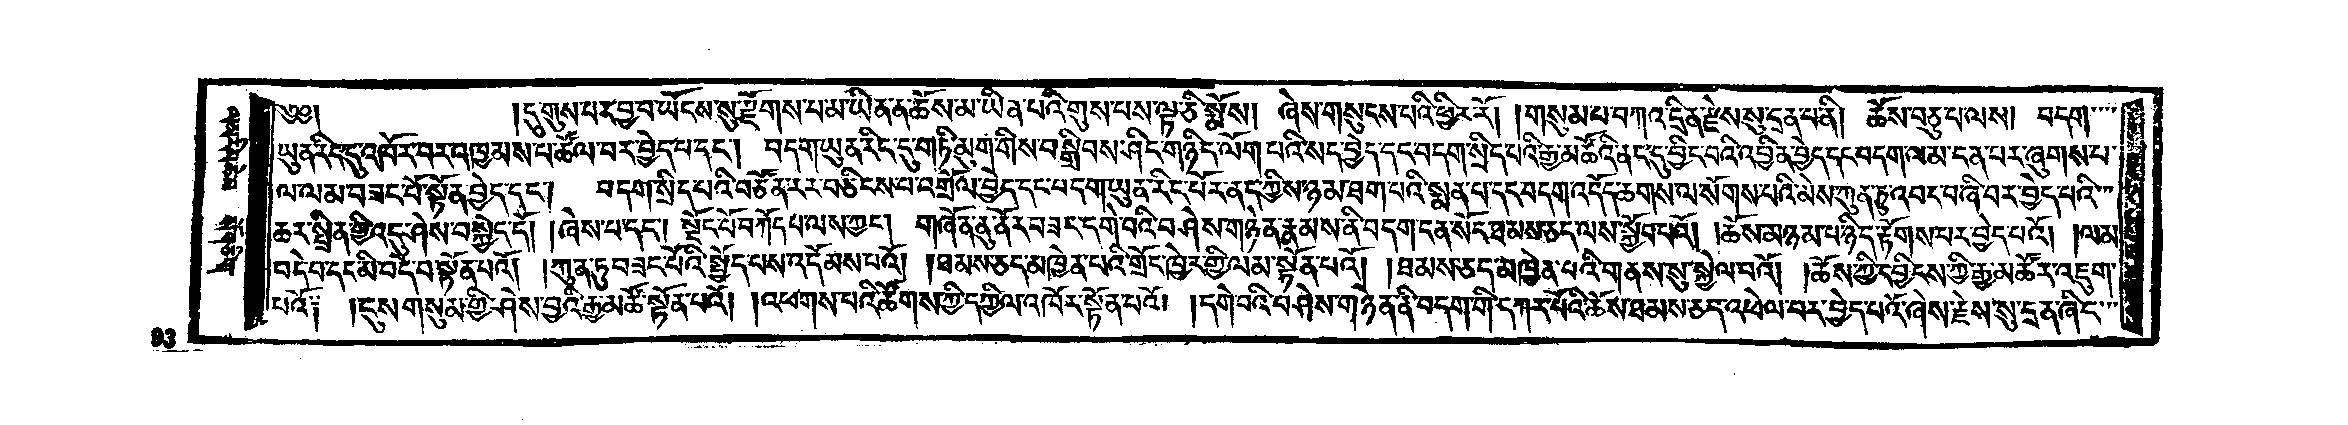༄༅། །དུ་གུས་པར་བྱ་བ་ཡོངས་སུ་རྫོགས་པ་མ་ཡིན་ན་ཆོས་མ་ཡིན་པའི་གུས་པས་ལྟ་ཅི་སྨོས། ཞེས་གསུངས་པའི་ཕྱིར་རོ། །གསུམ་པ་བཀའ་དྲིན་རྗེས་སུ་དྲན་པ་ནི། ཆོས་བཅུ་པ་ལས། བདག་
ཡུན་རིང་དུ་འཁོར་བར་འཁྱམས་པ་ཚོལ་བར་བྱེད་པ་དང་། བདག་ཡུན་རིང་དུ་གཏི་མུག་གིས་བསྒྲིབས་ཤིང་གཉིད་ལོག་པའི་སད་བྱེད་དང་བདག་སྲིད་པའི་རྒྱ་མཚོའི་ནང་དུ་བྱིང་བའི་འབྱིན་བྱེད་དང་བདག་ལམ་ངན་པར་ཞུགས་པ་
ལ་ལམ་བཟང་པོ་སྟོན་བྱེད་དང་། བདག་སྲིད་པའི་བཙོན་རར་བཅིངས་པ་འགྲོལ་བྱེད་དང་བདག་ཡུན་རིང་པོར་ནད་ཀྱིས་ཉམ་ཐག་པའི་སྨན་པ་དང་བདག་འདོད་ཆགས་ལ་སོགས་པའི་མེས་ཀུན་ཏུ་འབར་བ་ཞི་བར་བྱེད་པའི་
ཆར་སྤྲིན་གྱི་འདུ་ཤེས་བསྐྱེད་དོ། །ཞེས་པ་དང་། སྡོང་པོ་བཀོད་པ་ལས་ཀྱང་། གཞོན་ནུ་ནོར་བཟང་དགེ་བའི་བཤེས་གཉེན་རྣམས་ནི་བདག་ངན་སོང་ཐམས་ཅད་ལས་སྐྱོབ་པའོ། །ཆོས་མཉམ་པ་ཉིད་རྟོགས་པར་བྱེད་པའོ། །ལམ་
བདེ་བ་དང་མི་བདེ་བ་སྟོན་པའོ། །ཀུན་ཏུ་བཟང་པོའི་སྤྱོད་པས་འདོམས་པའོ། །ཐམས་ཅད་མཁྱེན་པའི་གྲོང་ཁྱེར་གྱི་ལམ་སྟོན་པའོ། །ཐམས་ཅད་མཁྱེན་པའི་གནས་སུ་སྐྱེལ་བའོ། །ཆོས་ཀྱི་དབྱིངས་ཀྱི་རྒྱ་མཚོར་འཇུག་
པའོ༑ ༑དུས་གསུམ་གྱི་ཤེས་བྱའི་རྒྱ་མཚོ་སྟོན་པའོ། །འཕགས་པའི་ཚོགས་ཀྱི་དཀྱིལ་འཁོར་སྟོན་པའོ། །དགེ་བའི་བཤེས་གཉེན་ནི་བདག་གི་དཀར་པོའི་ཆོས་ཐམས་ཅད་འཕེལ་བར་བྱེད་པའོ་ཞེས་རྗེས་སུ་དྲན་ཞིང་